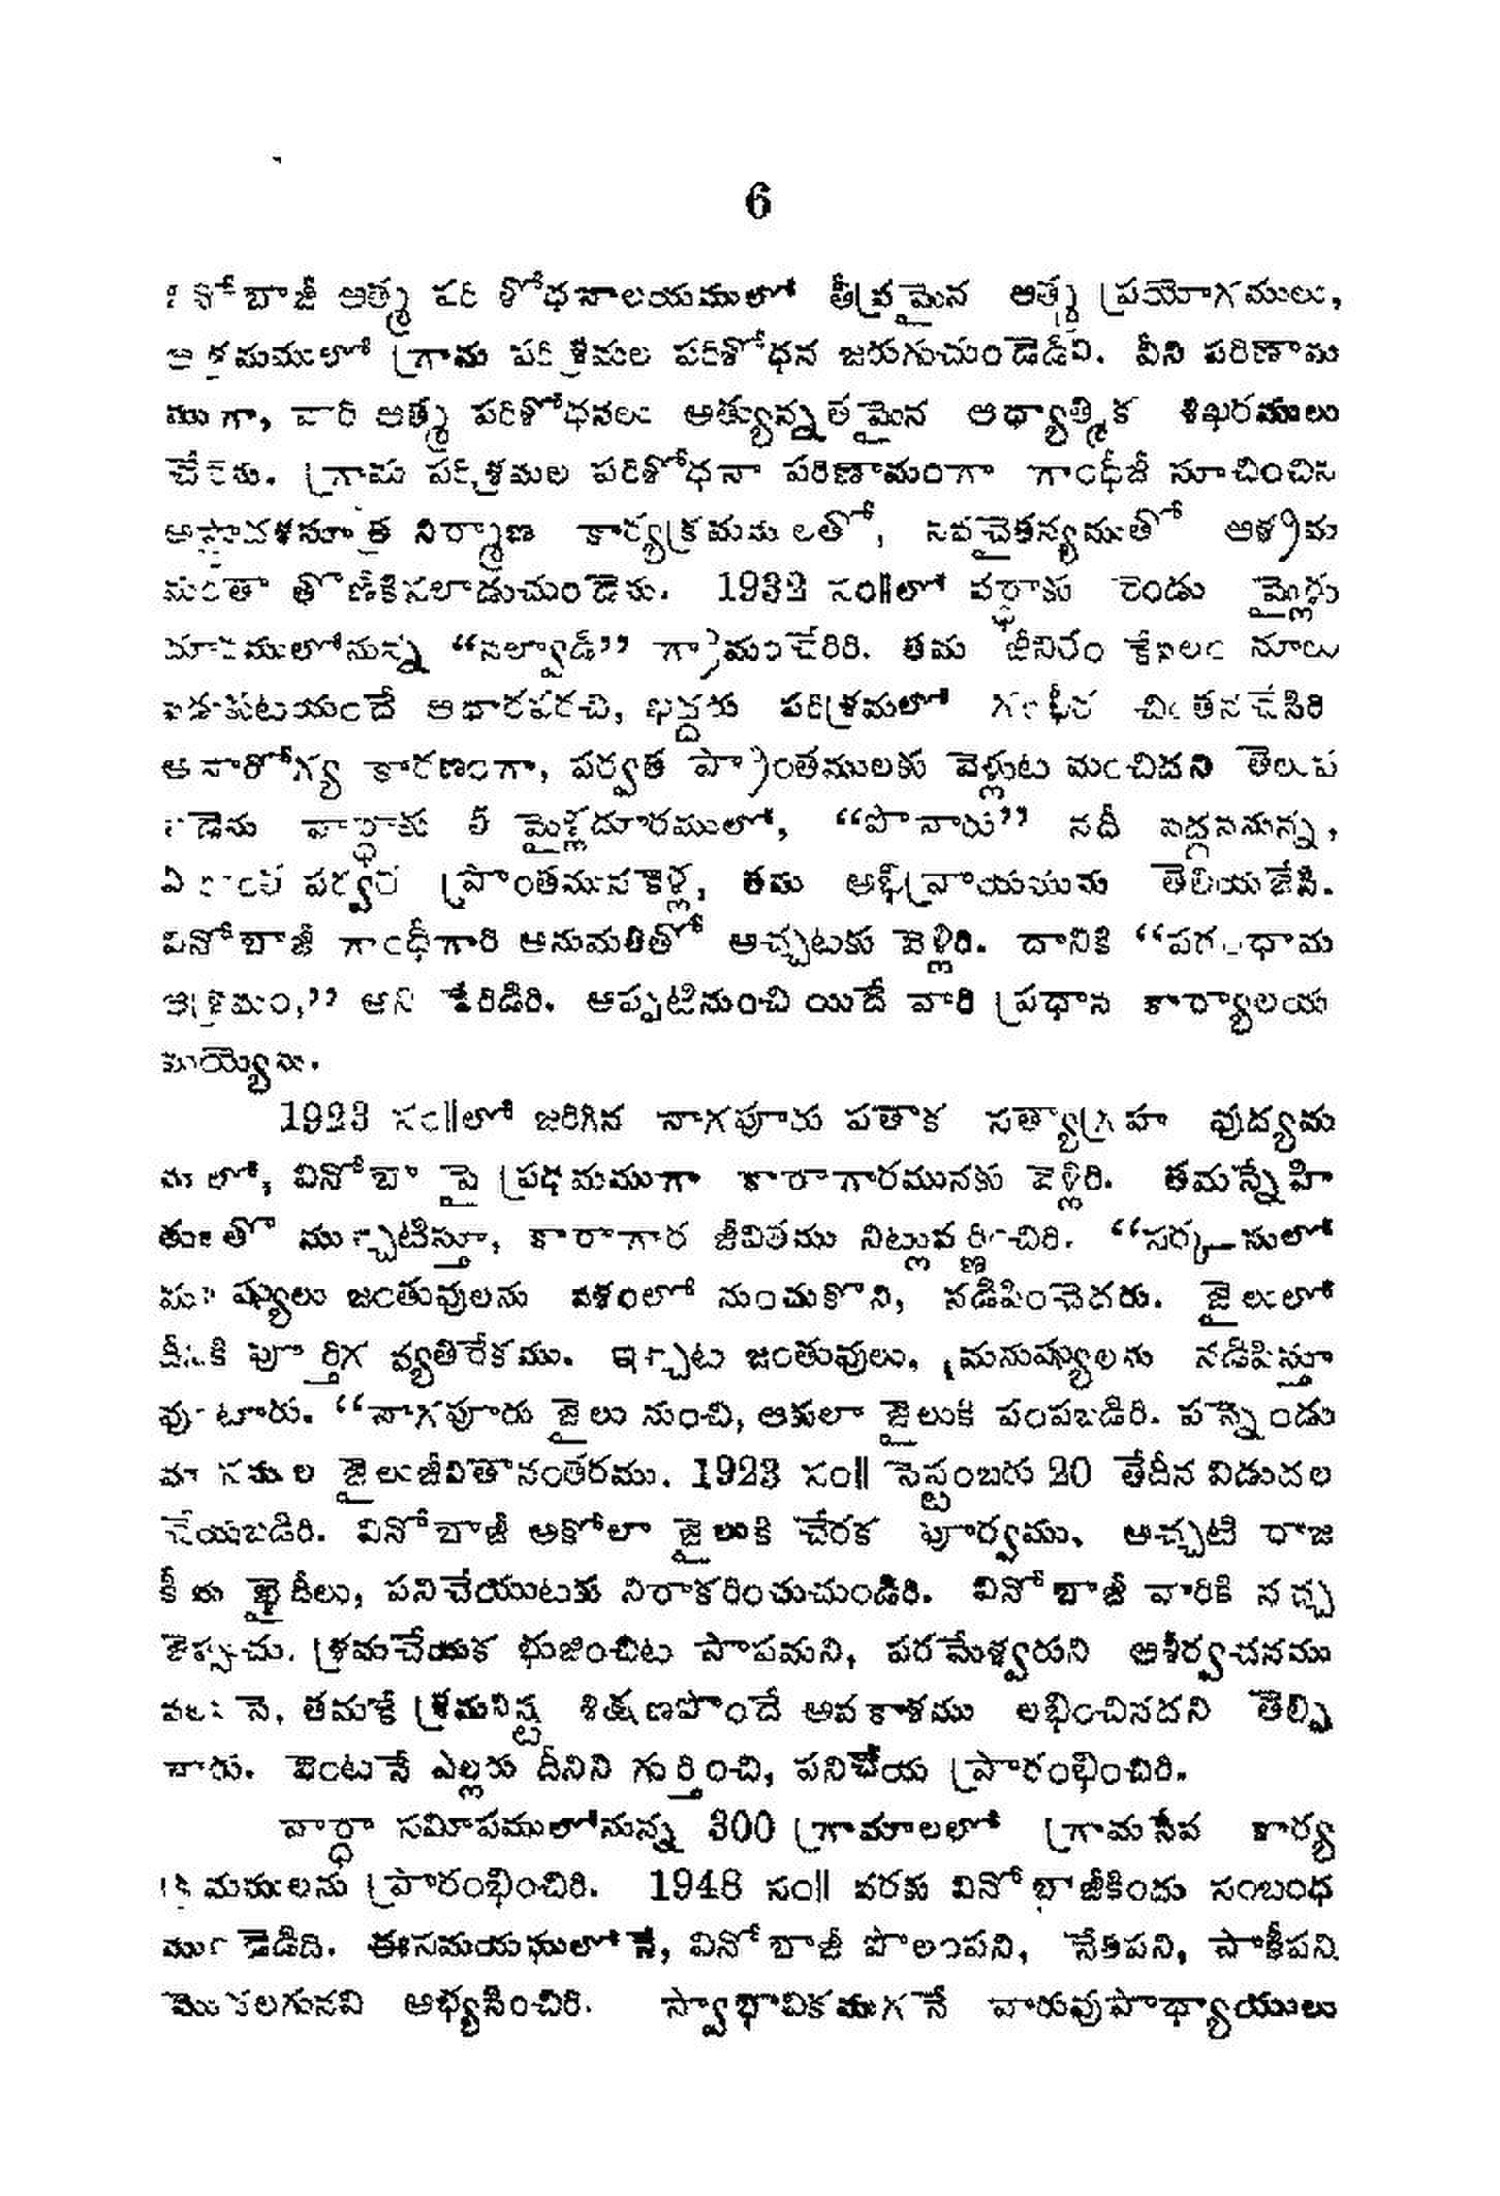వినోబాజీ ఆత్మ పరిశోధనాలయములో తీవ్రమైన ఆత్మ ప్రయోగములు, ఆశ్రమములో గ్రామ పరిశ్రమల పరిశోధన జరుగుచుండెడివి. వీని పరిణామముగా, వారి ఆత్మ పరిశోధనలు అత్యున్నతమైన ఆధ్యాత్మిక శిఖరములు చేరెను. గ్రామ పరిశ్రమల పరిశోధనా పరిణామంగా గాంధీజీ సూచించిన అష్టాదశసూత్ర నిర్మాణ కార్యక్రమములతో, నవచైతన్యముతో ఆశ్రమమంతా తొణికిసలాడుచుండెను. 1932 సం॥లో వర్ధాకు రెండు మైళ్లు దూరములోనున్న “సల్వాడ్" గ్రామంచేరిరి. తమ జీవితం కేవలఁ నూలు వడకుటయందే ఆధారపరచి, ఖద్దరు పరిశ్రమలో గంభీర చింతనచేసిరి అనారోగ్య కారణంగా, పర్వత ప్రాంతములకు వెళ్లుట మంచిదని తెలుపబడెను. వార్ధాకు 5 మైళ్లదూరములో, "పొనారు" నదీ వద్దననున్న, ఏకాంత పర్వత ప్రాంతమునకెళ్ల, తమ అభిప్రాయమును తెలియజేసి. వినోబాజీ గాంధీగారి అనుమతితో అచ్చటకు వెళ్లిరి. దానికి “పరంధామ ఆశ్రమం," అని పేరిడిరి. అప్పటినుంచి యిదే వారి ప్రధాన కార్యాలయ మయ్యెను.

1923 సం||లో జరిగిన నాగపూరు పతాక సత్యాగ్రహ వుద్యమములో, వినోబా పై ప్రధమముగా కారాగారమునకు వెళ్లిరి. తమస్నేహితులతో ముచ్చటిస్తూ, కారాగార జీవితము నిట్లువర్ణించిరి. "సర్కసులో మనుష్యులు జంతువులను వశంలో నుంచుకొని, నడిపించెదరు. జైలులో దీనికి పూర్తిగా వ్యతిరేకము. ఇచ్చట జంతువులు, మనుష్యులను నడిపిస్తూ వుంటారు. "నాగపూరు జైలు నుంచి, ఆకులా జైలుకి పంపబడిరి. పన్నెండు మాసముల జైలు జీవితానంతరము, 1923 సం|| సెప్టెంబరు 20 తేదీన విడుదల చేయబడిరి. వినోబాజీ అకోలా జైలుకి చేరక పూర్వము, అచ్చటి రాజకీయ ఖైదీలు, పనిచేయుటకు నిరాకరించుచుండిరి. వినోబాజీ వారికి నచ్చజెప్పుచు. శ్రమచేయక భుజించిట సాపమని, పరమేశ్వరుని ఆశీర్వచనము వలననే, తమకే శ్రమనిష్ట శిక్షణపొందే అవకాశము లభించినదని తెల్పినారు. వెంటనే ఎల్లరు దీనిని గుర్తించి, పనిచేయ ప్రారంభించిరి.

వార్ధా సమీపములోనున్న 300 గ్రామాలలో గ్రామసేవ కార్యక్రమములను ప్రారంభించిరి. 1948 సం|| వరకు వినోబాజీకిందు సంబంధ ముండెడిది. ఈసమయఘులోనే, వినోబాజీ పొలంపని, నేతపని, పాకీపని, మొదలగునని అభ్యసించిరి. స్వాభావికముగనే వారువుపాధ్యాయులు